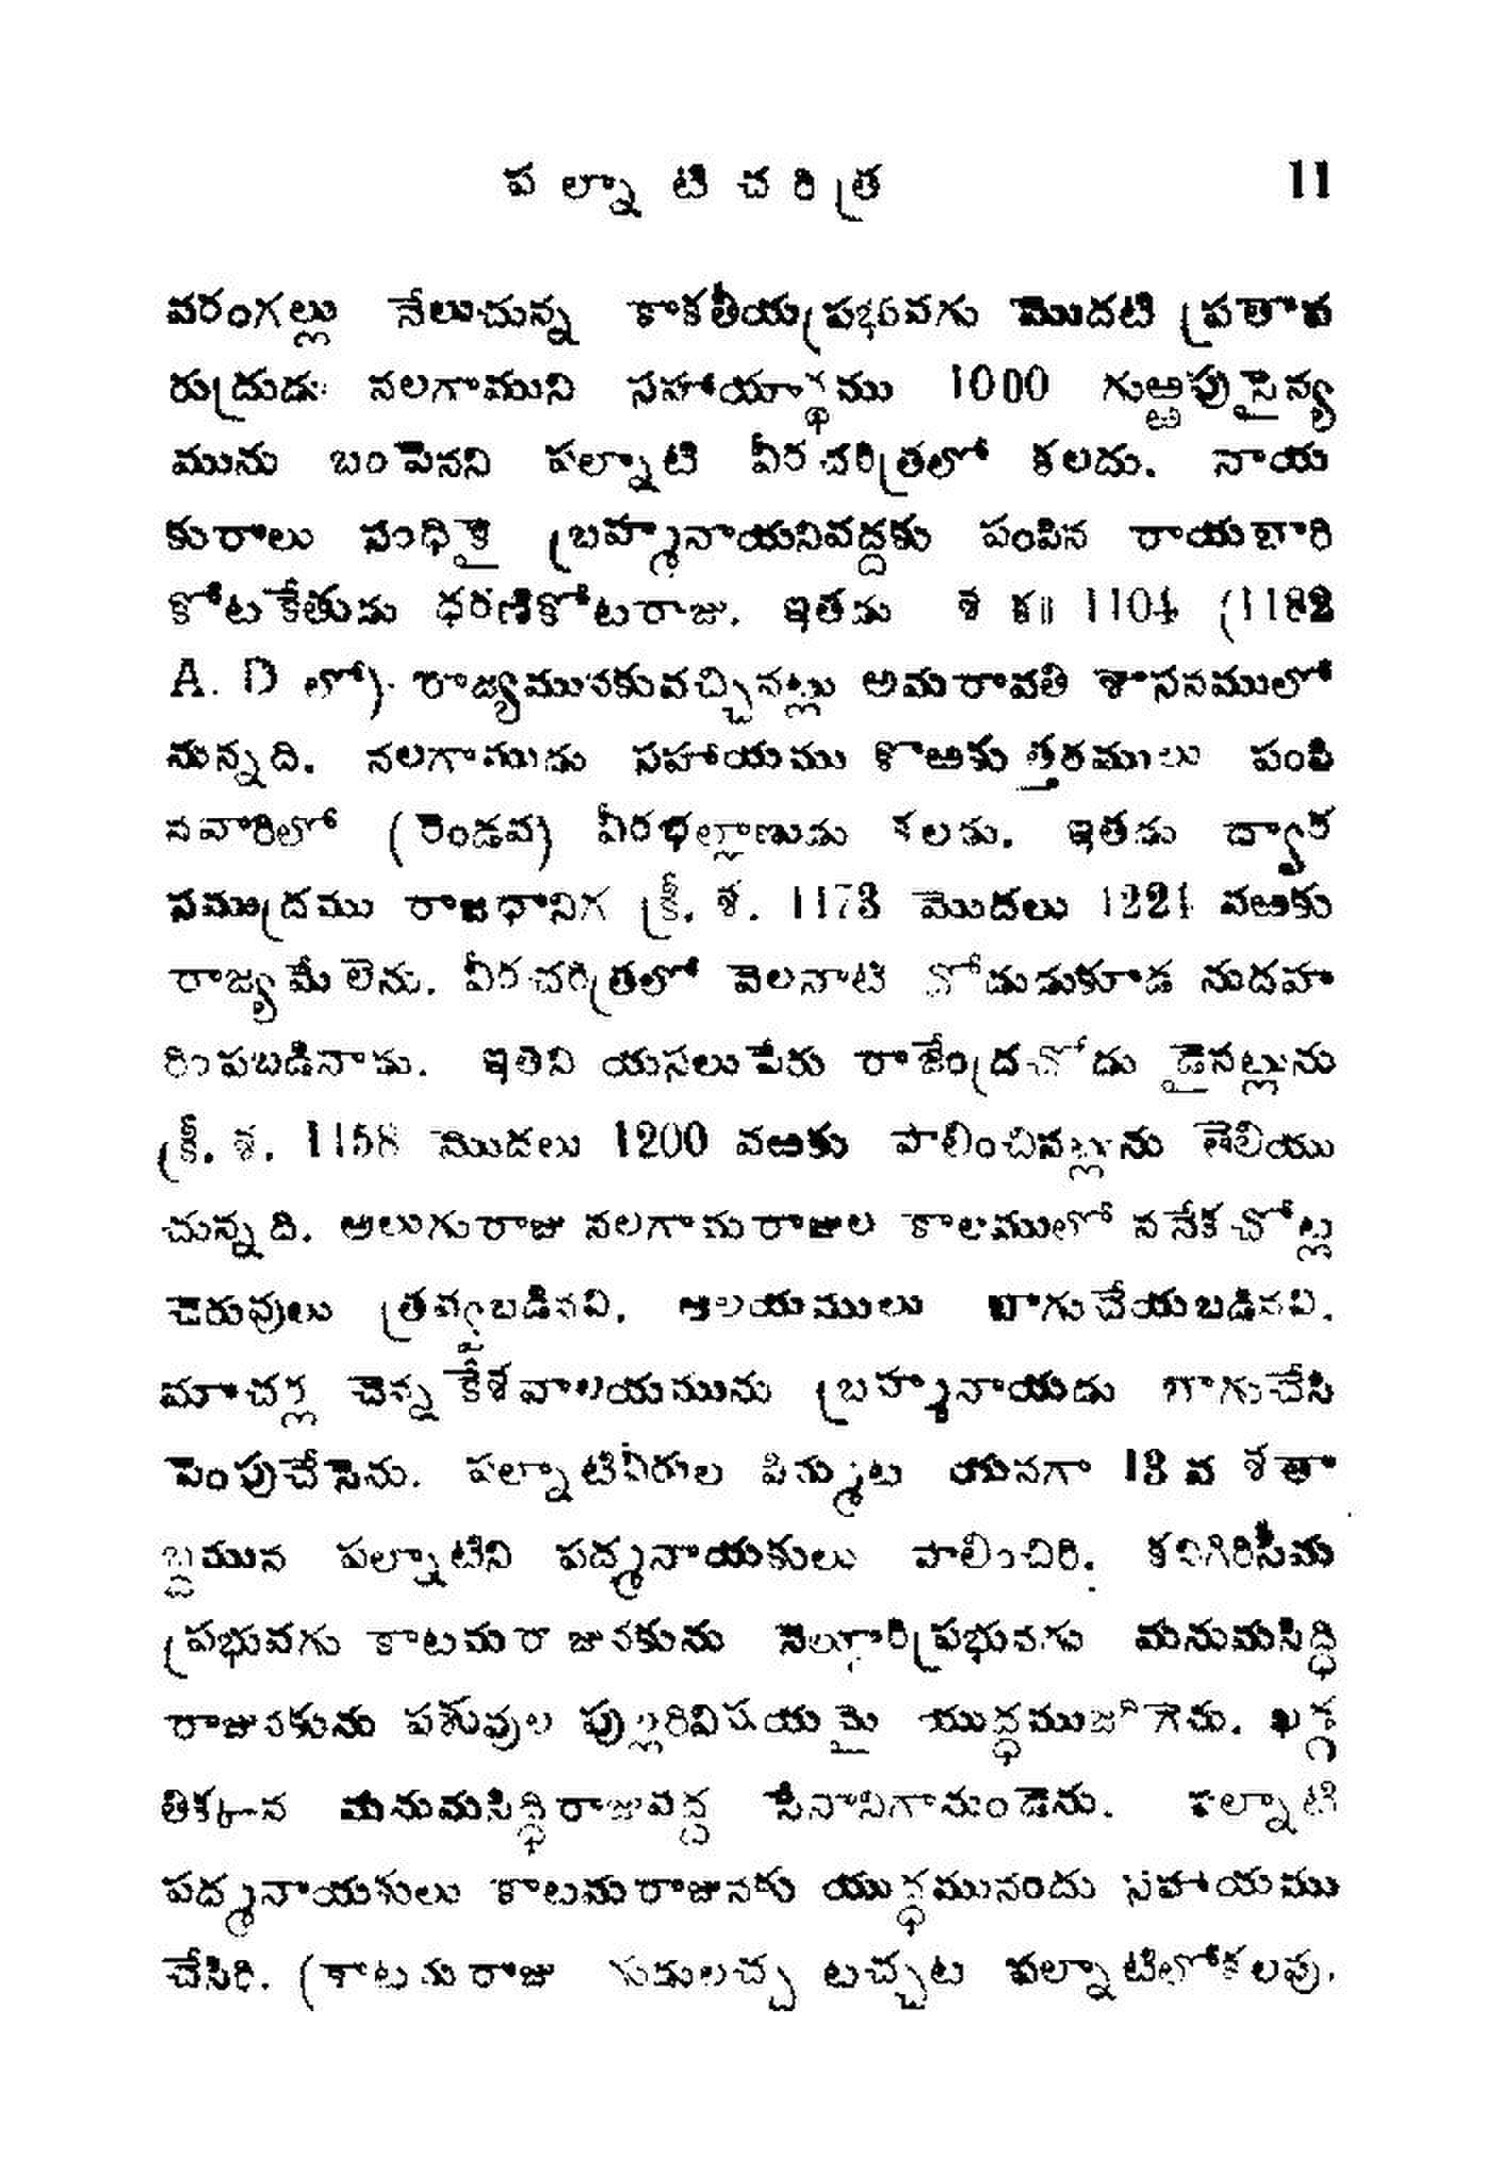వరంగల్లు నేలుచున్న కాకతీయ ప్రభువగు మొదటి ప్రతావ
రుద్రుడు నలగాముని సహాయార్థము1000 గుఱ్ఱపు సైన్యమును 
బంపెనని పల్నాటి వీర చరిత్రలోకలదు. నాయకురాలు 
సంధికై బ్రహ్మనాయనివద్దకు పంపిన రాయబారి
కోటకేతుడు ధరణికోటరాజు. ఇతడు శక 1104 (1182
A.D) లో రాజ్యమునకు వచ్చినట్లు అమరావతి శాసనములో
నున్నది. నలగాముడు సహాయము కొఱకుత్తరములు పంపినవారిలో 
(రెండవ) వీరభల్లాణుడు కలడు. ఇతడు ద్వారసముద్రము 
రాజధానిగా క్రీ. శ. 1173 మొదలు 1221 వఱకు రాజ్యమేలెను. 
వీర చరిత్రలో వెలనాటి చోడుడు కూడ నుదహరింపబడినాడు. 
ఇతని యసలు పేరు రాజేంద్రచోడు డైనట్లును క్రీ.శ. 1158 
మొదలు 1200 వఱకు పాలించినట్లను తెలియుచున్నది. 
అలుగురాజు నలగామరాజుల కాలములో ననేక చోట్ల
చెరువులు త్రవ్వబడినవి. ఆలయములు బాగు చేయబడినవి.
మాచర్ల చెన్నకేశవాలయమును బ్రహ్మనాయుడు బాగుచేసి
పెంపుచేసెను. పల్నాటివీరుల పిమ్మట యనగా 13వ శతాబ్దమున 
పల్నాటిని పద్మనాయకులు పాలించిరి. కనిగిరిసీమ
ప్రభువగు కాటమరాజునకును నెల్లూరి ప్రభువగు మనుమసిద్ధి
రాజునకును పశువుల పుల్లరివిషయమై యుద్ధముజరిగెను. ఖడ్గ
తిక్కన మనుమసిద్ధిరాజువద్ద సేనానిగానుండెను. పల్నాటి 
పద్మనాయకులు కాటమరాజునకు యుద్ధమునందు సహాయము
చేసిరి. (కాటమరాజు గుడులచ్చ టచ్చట పల్నాటిలోకలవు,